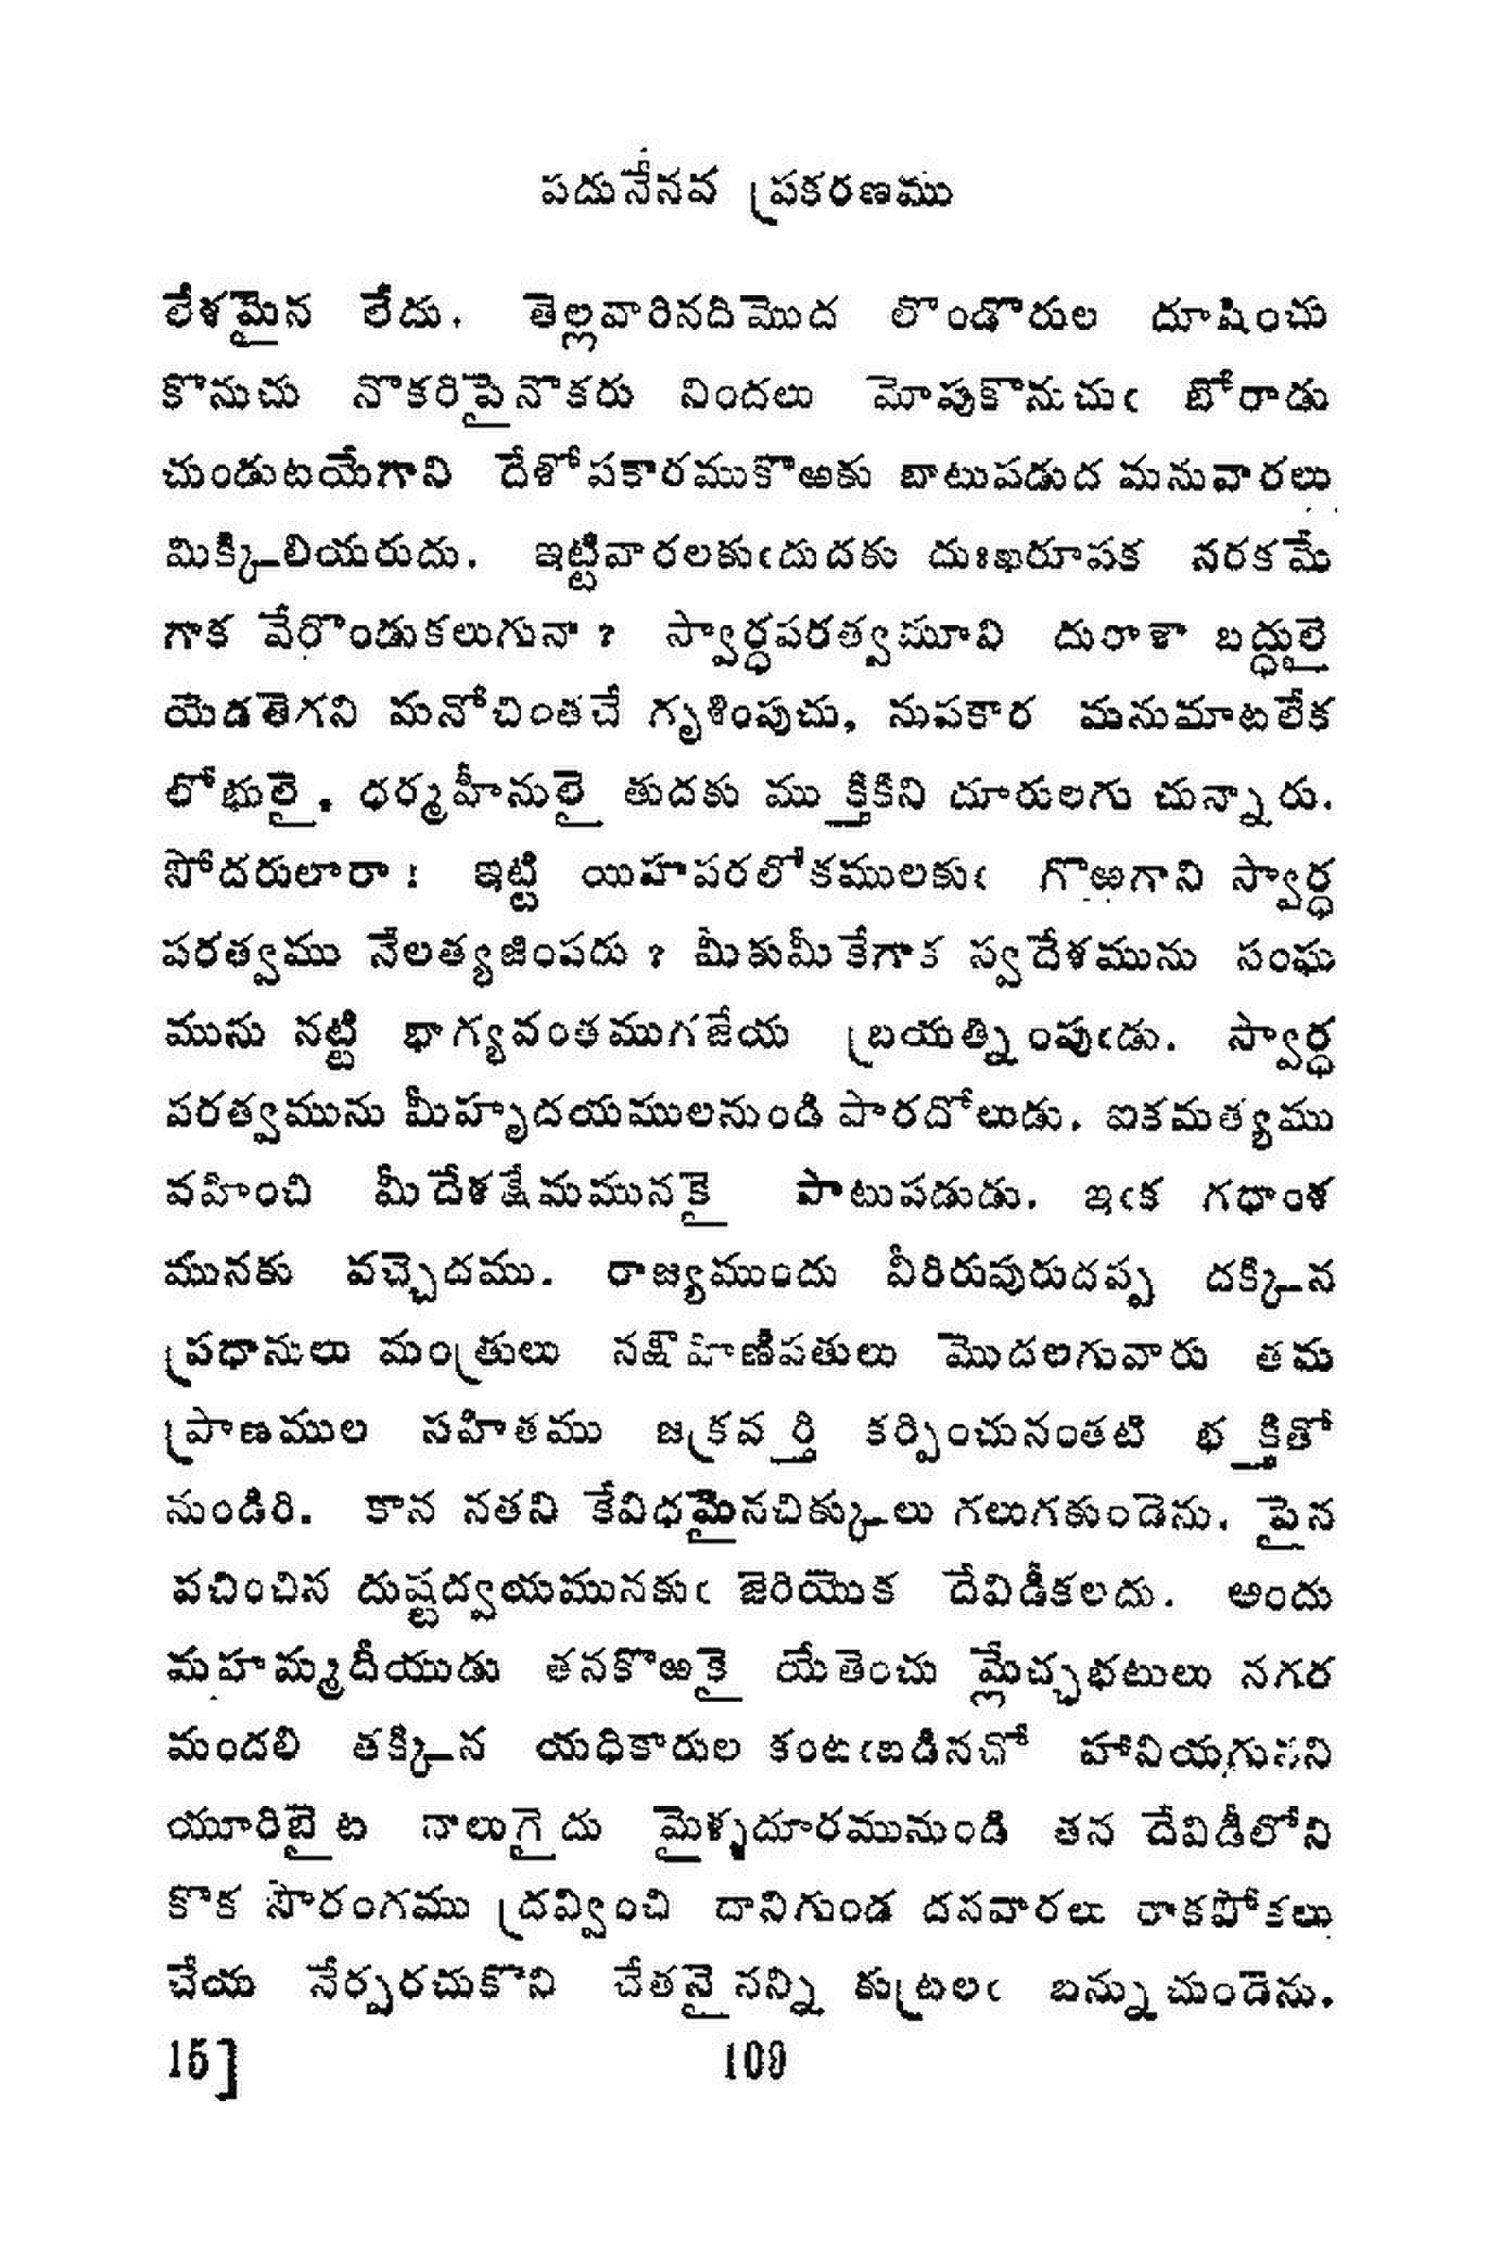లేశమైన లేదు. తెల్లవారినదిమొద లొండొరుల దూషించుకొనుచు నొకరిపైనొకరు నిందలు మోపుకొనుచుఁ బోరాడు చుండుటయేగాని దేశోపకారముకొఱకు బాటుపడుద మనువారలు మిక్కిలియరుదు. ఇట్టివారలకుఁదుదకు దుఃఖరూపక నరకమే గాక వేరొండుకలుగునా ? స్వార్ధపరత్వమూని దురాశా బద్దులై యెడతెగని మనోచింతచే గృశింపుచు, నుపకార మనుమాటలేక లోభులై, ధర్మహీనులై తుదకు ముక్తికిని దూరులగు చున్నారు. సోదరులారా ! ఇట్టి యిహపరలోకములకుఁ గొఱగాని స్వార్ధపరత్వము నేలత్యజింపరు? మీకుమీకేగాక స్వదేశమును సంఘమును నట్టి భాగ్యవంతముగ జేయ బ్రయత్నింపుఁడు. స్వార్ధపరత్వమును మీహృదయములనుండి పారదోలుడు. ఐకమత్యము వహించి మీదేశక్షేమమునకై పాటుపడుడు. ఇఁక గధాంశమునకు వచ్చెదము. రాజ్యముందు వీరిరువురుదప్ప దక్కిన ప్రధానులు మంత్రులు నక్షౌహిణిపతులు మొదలగువారు తమ ప్రాణముల సహితము జక్రవర్తి కర్పించునంతటి భక్తితో నుండిరి. కాన నతని కేవిధమైనచిక్కులు గలుగకుండెను. పైన వచించిన దుష్టద్వయమునకుఁ జెరియొక దేవిడీకలదు. అందు మహమ్మదీయుడు తనకొఱకై యేతెంచు మ్లేచ్ఛభటులు నగరమందలి తక్కిన యధికారుల కంటఁబడినచో హానియగునని యూరిబైట నాలుగైదు మైళ్ళదూరమునుండి తన దేవిడీలోని కొక సౌరంగము ద్రవ్వించి దానిగుండ దనవారలు రాకపోకలు చేయ నేర్పరచుకొని చేతనైనన్ని కుట్రలఁ బన్ను చుండెను.